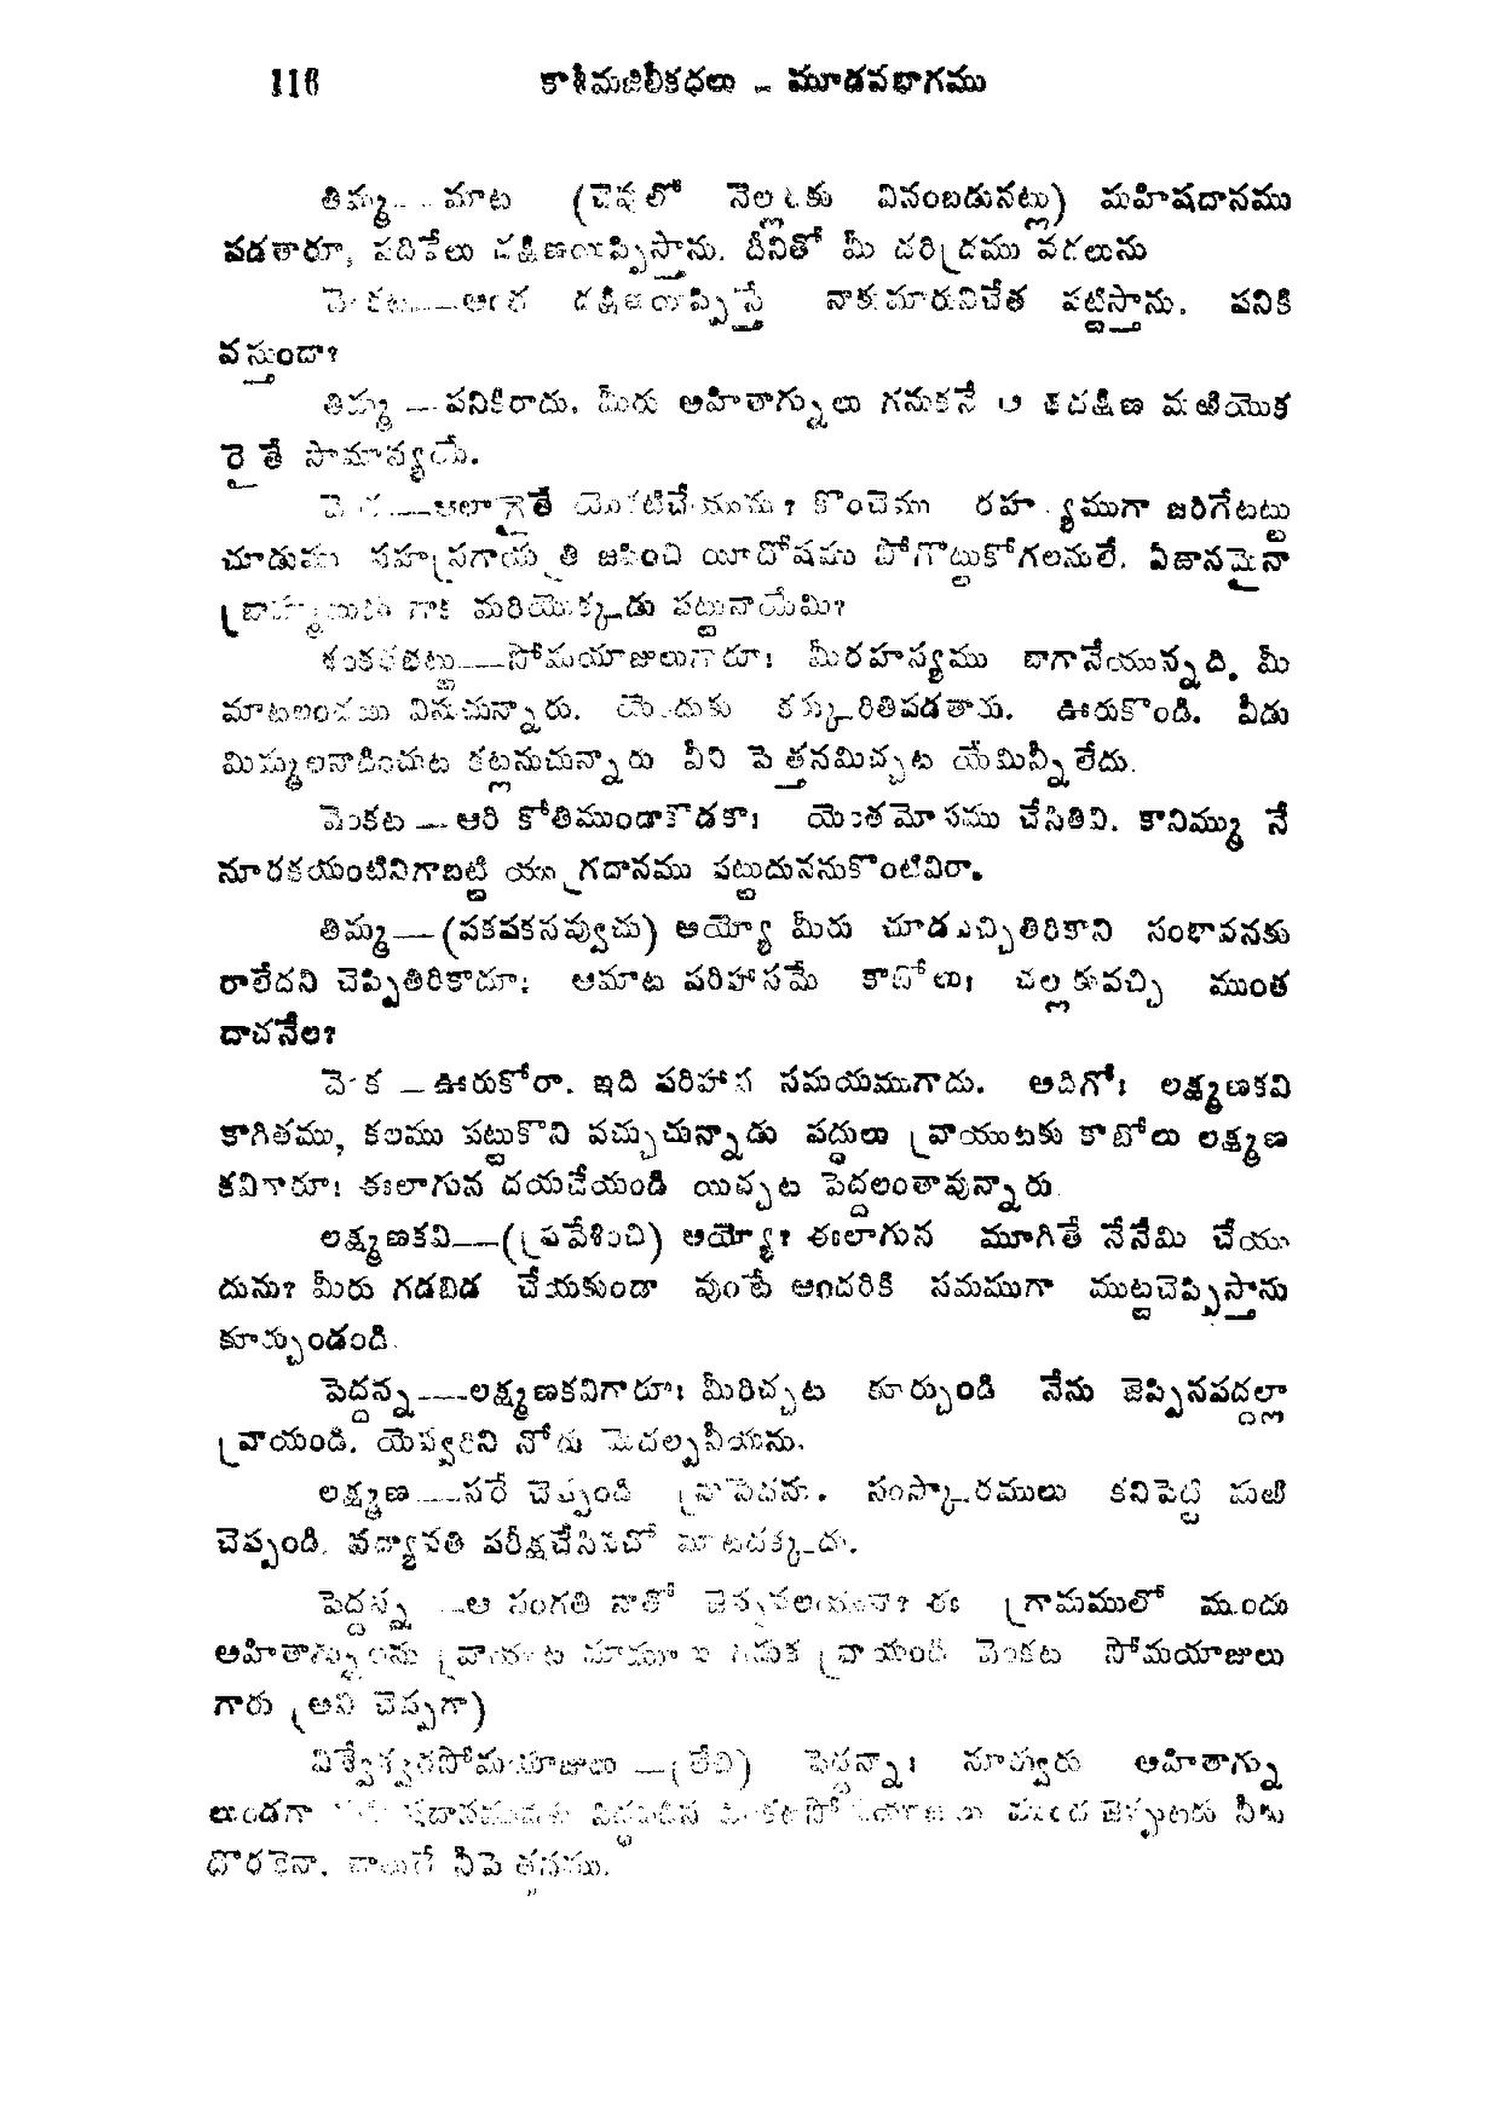తిమ్మ - మాట (చెవులో నెల్లరకు వినంబడునట్లు) మహిషదానము పడతారూ, పదివేలు దక్షిణయిప్పిస్తాను. దీనితో మీ దరిద్రము వదలును.

వెంకట - అంత దక్షిణయిప్పిస్తే నాకుమారునిచేత పట్టిస్తాను. పనికి వస్తుందా?

తిమ్మ - పనికిరాదు. మీరు అహితాగ్నులు గనుకనే ఆ దక్షిణ మఱియొక రైతే సామాన్యయే.

వెంకట - ఆలాగైతే యొకటిచేయుము? కొంచెము రహస్యముగా జరిగేటట్టు చూడుము సహస్రగాయత్రి జపించి యీదోషము పోగొట్టుకోగలనులే. ఏదానమైనా బ్రహ్మణుడు గాక మరియెక్కడు పట్టునాయేమి?

శంకరభట్టు - సోమయాజులుగారూ! మీరహస్యము బాగానేయున్నది. మీ మాటలందఱు వినుచున్నారు. యెందుకు కక్కురితిపడతారు. ఊరుకొండి. వీడు మిమ్మలనాడించుట కట్లనుచున్నారు. వీని పెత్తనమిచ్చట యేమిన్నీ లేదు.

వెంకట - ఆరి కోతిముండాకొడకా ! యెంతమోసము చేసితివి. కానిమ్ము నే నూరకయంటినిగాబట్టి యుగ్రదానము పట్టుదుననుకొంటివిరా.

తిమ్మ - (పకపకనవ్వుచు) అయ్యో మీరు చూడవచ్చితిరికాని సంభావనకు రాలేదని చెప్పితిరికాదూ! ఆమాట పరిహాసమే కాబోలు! చల్లకువచ్చి ముంత దాచనేల?

వెంక - ఊరుకోరా. ఇది పరిహాస సమయముగాదు. అదిగో! లక్ష్మణకవి కాగితము, కలము పట్టుకొని వచ్చుచున్నాడు పద్దులు వ్రాయుటకు కాబోలు లక్ష్మణ కవిగారూ! ఈలాగున దయచేయండి యిచ్చట పెద్దలంతావున్నారు.

లక్ష్మణకవి - (ప్రవేశించి) అయ్యో ! ఈలాగున మూగితే నేనేమి చేయుదును? మీరు గడబిడ చేయకుండా వుంటే అందరికి సమముగా ముట్టచెప్పిస్తాను కూర్చుండండి.

పెద్దన్న - లక్ష్మణకవిగారూ! మీరిచ్చట కూర్చుండి నేను జెప్పినపదల్లా వ్రాయండి. యెవ్వని నోరు మెదల్పనీయను.

లక్ష్మణ - సరే చెప్పండి వ్రాసెదను . సంస్కారములు కనిపెట్టి మఱి చెప్పండి. విద్యావతి పరీక్షచేసినచో మాయదక్కదు.

పెద్దన్న - ఆ సంగతి నాతో జెప్పవలయునా? ఈ గ్రామములో ముందు అహితాగ్నులను వ్రాయుట మామూలు గనుక వ్రాయండి వెంకట సోమయాజులుగారు (అని చెప్పగా)

విశ్వేశ్వరసోమయాజులు - (లేచి) పెద్దన్నా! నూర్వురు ఆహితాగ్ను లుండగా మహిషదానమునకు సిద్ధంచిన వేంకటసోమయాజులు ముంద జెప్పుటకు నీకు దొరకెనా. చాలులే నీపెత్తనము.